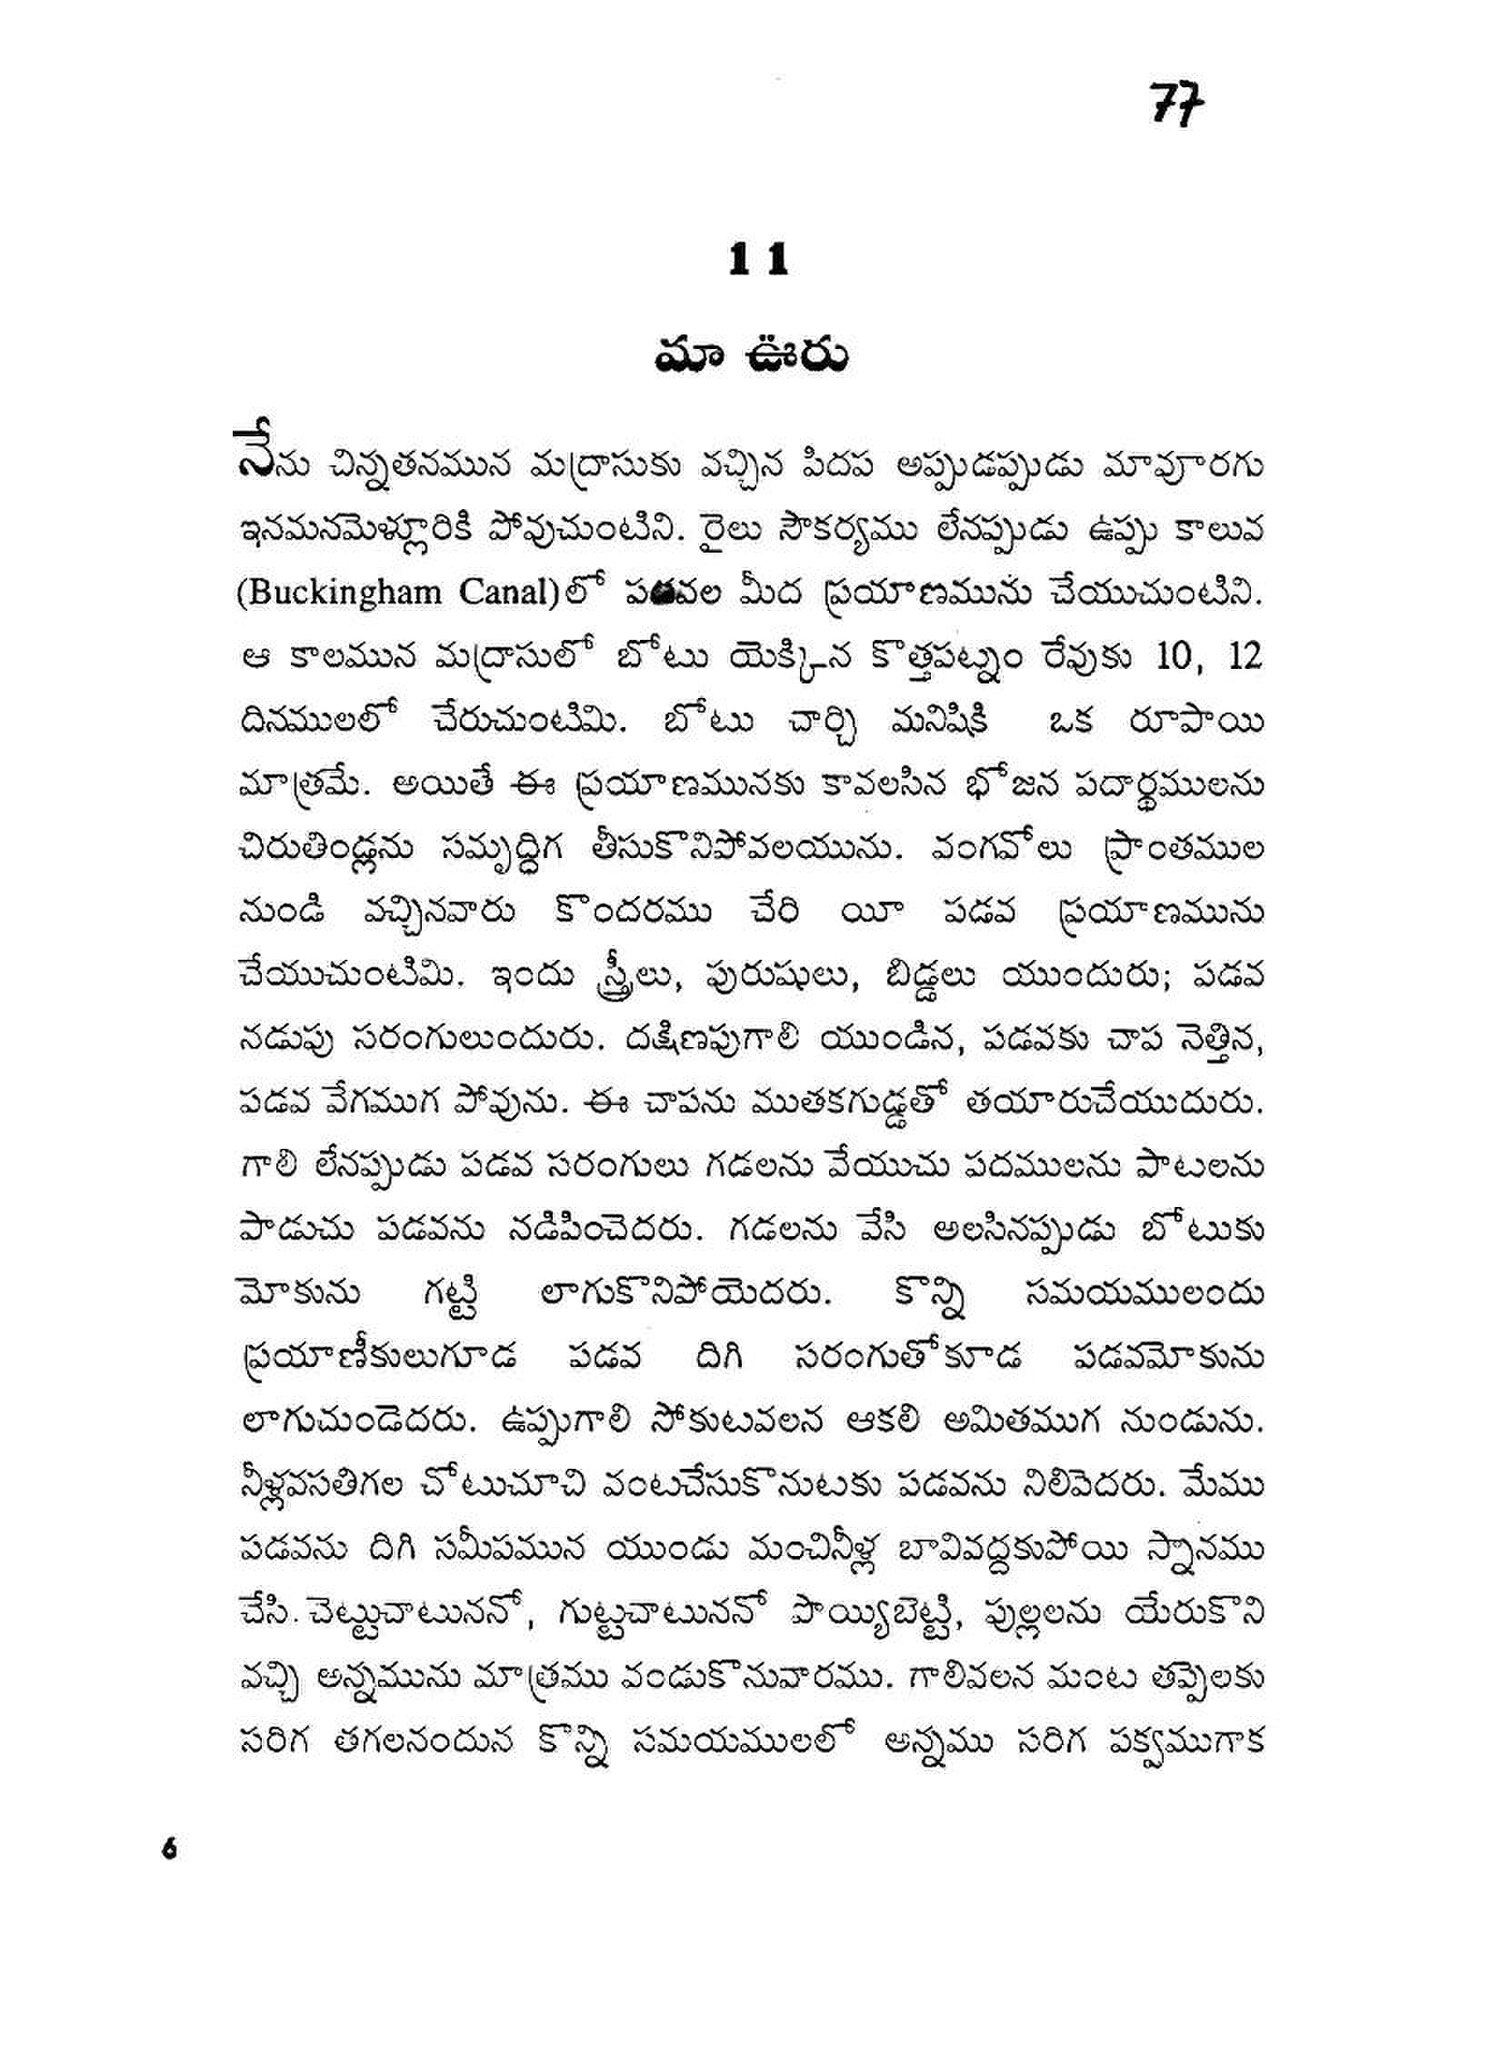నేను చిన్నతనమున మద్రాసుకు వచ్చిన పిదప అప్పుడప్పుడు మావూరగు ఇనమనమెళ్ళూరికి పోవుచుంటిని. రైలు సౌకర్యము లేనప్పుడు ఉప్పు కాలువ (Buckingham Canal) లో పడవల మీద ప్రయాణమును చేయుచుంటిని. ఆ కాలమున మద్రాసులో బోటు యెక్కిన కొత్తపట్నం రేవుకు 10, 12 దినములలో చేరుచుంటిమి. బోటు చార్జి మనిషికి ఒక రూపాయి మాత్రమే. అయితే ఈ ప్రయాణమునకు కావలసిన భోజన పదార్ధములను చిరుతిండ్లను సమృద్దిగ తీసుకొనిపోవలయును. వంగవోలు ప్రాంతముల నుండి వచ్చినవారు కొందరము చేరి యీ పడవ ప్రయాణమును చేయుచుంటిమి. ఇందు స్త్రీలు, పురుషులు, బిడ్డలు యుందురు; పడవ నడుపు సరంగులుందురు. దక్షిణపుగాలి యుండిన, పడవకు చాప నెత్తిన, పడవ వేగముగ పోవును. ఈ చాపను ముతకగుడ్డతో తయారుచేయుదురు. గాలి లేనప్పుడు పడవ సరంగులు గడలను వేయుచు పదములను పాటలను పాడుచు పడవను నడిపించెదరు. గడలను వేసి అలసినప్పుడు బోటుకు మోకును గట్టి లాగుకొనిపోయెదరు. కొన్ని సమయములందు ప్రయాణీకులుగూడ పడవ దిగి సరంగుతో కూడ పడవమోకును లాగుచుండెదరు. ఉప్పుగాలి సోకుటవలన ఆకలి అమితముగ నుండును. నీళ్లవసతిగల చోటుచూచి వంటచేసుకొనుటకు పడవను నిలిపెదరు. మేము పడవను దిగి సమీపమున యుండు మంచినీళ్ల బావివద్దకుపోయి స్నానము చేసి. చెట్టుచాటుననో, గుట్టచాటుననో పొయ్యిబెట్టి, పుల్లలను యేరుకొని వచ్చి అన్నమును మాత్రము వండుకొనువారము. గాలివలన మంట తప్పెలకు సరిగ తగలనందున కొన్ని సమయములలో అన్నము సరిగ పక్వముగాక